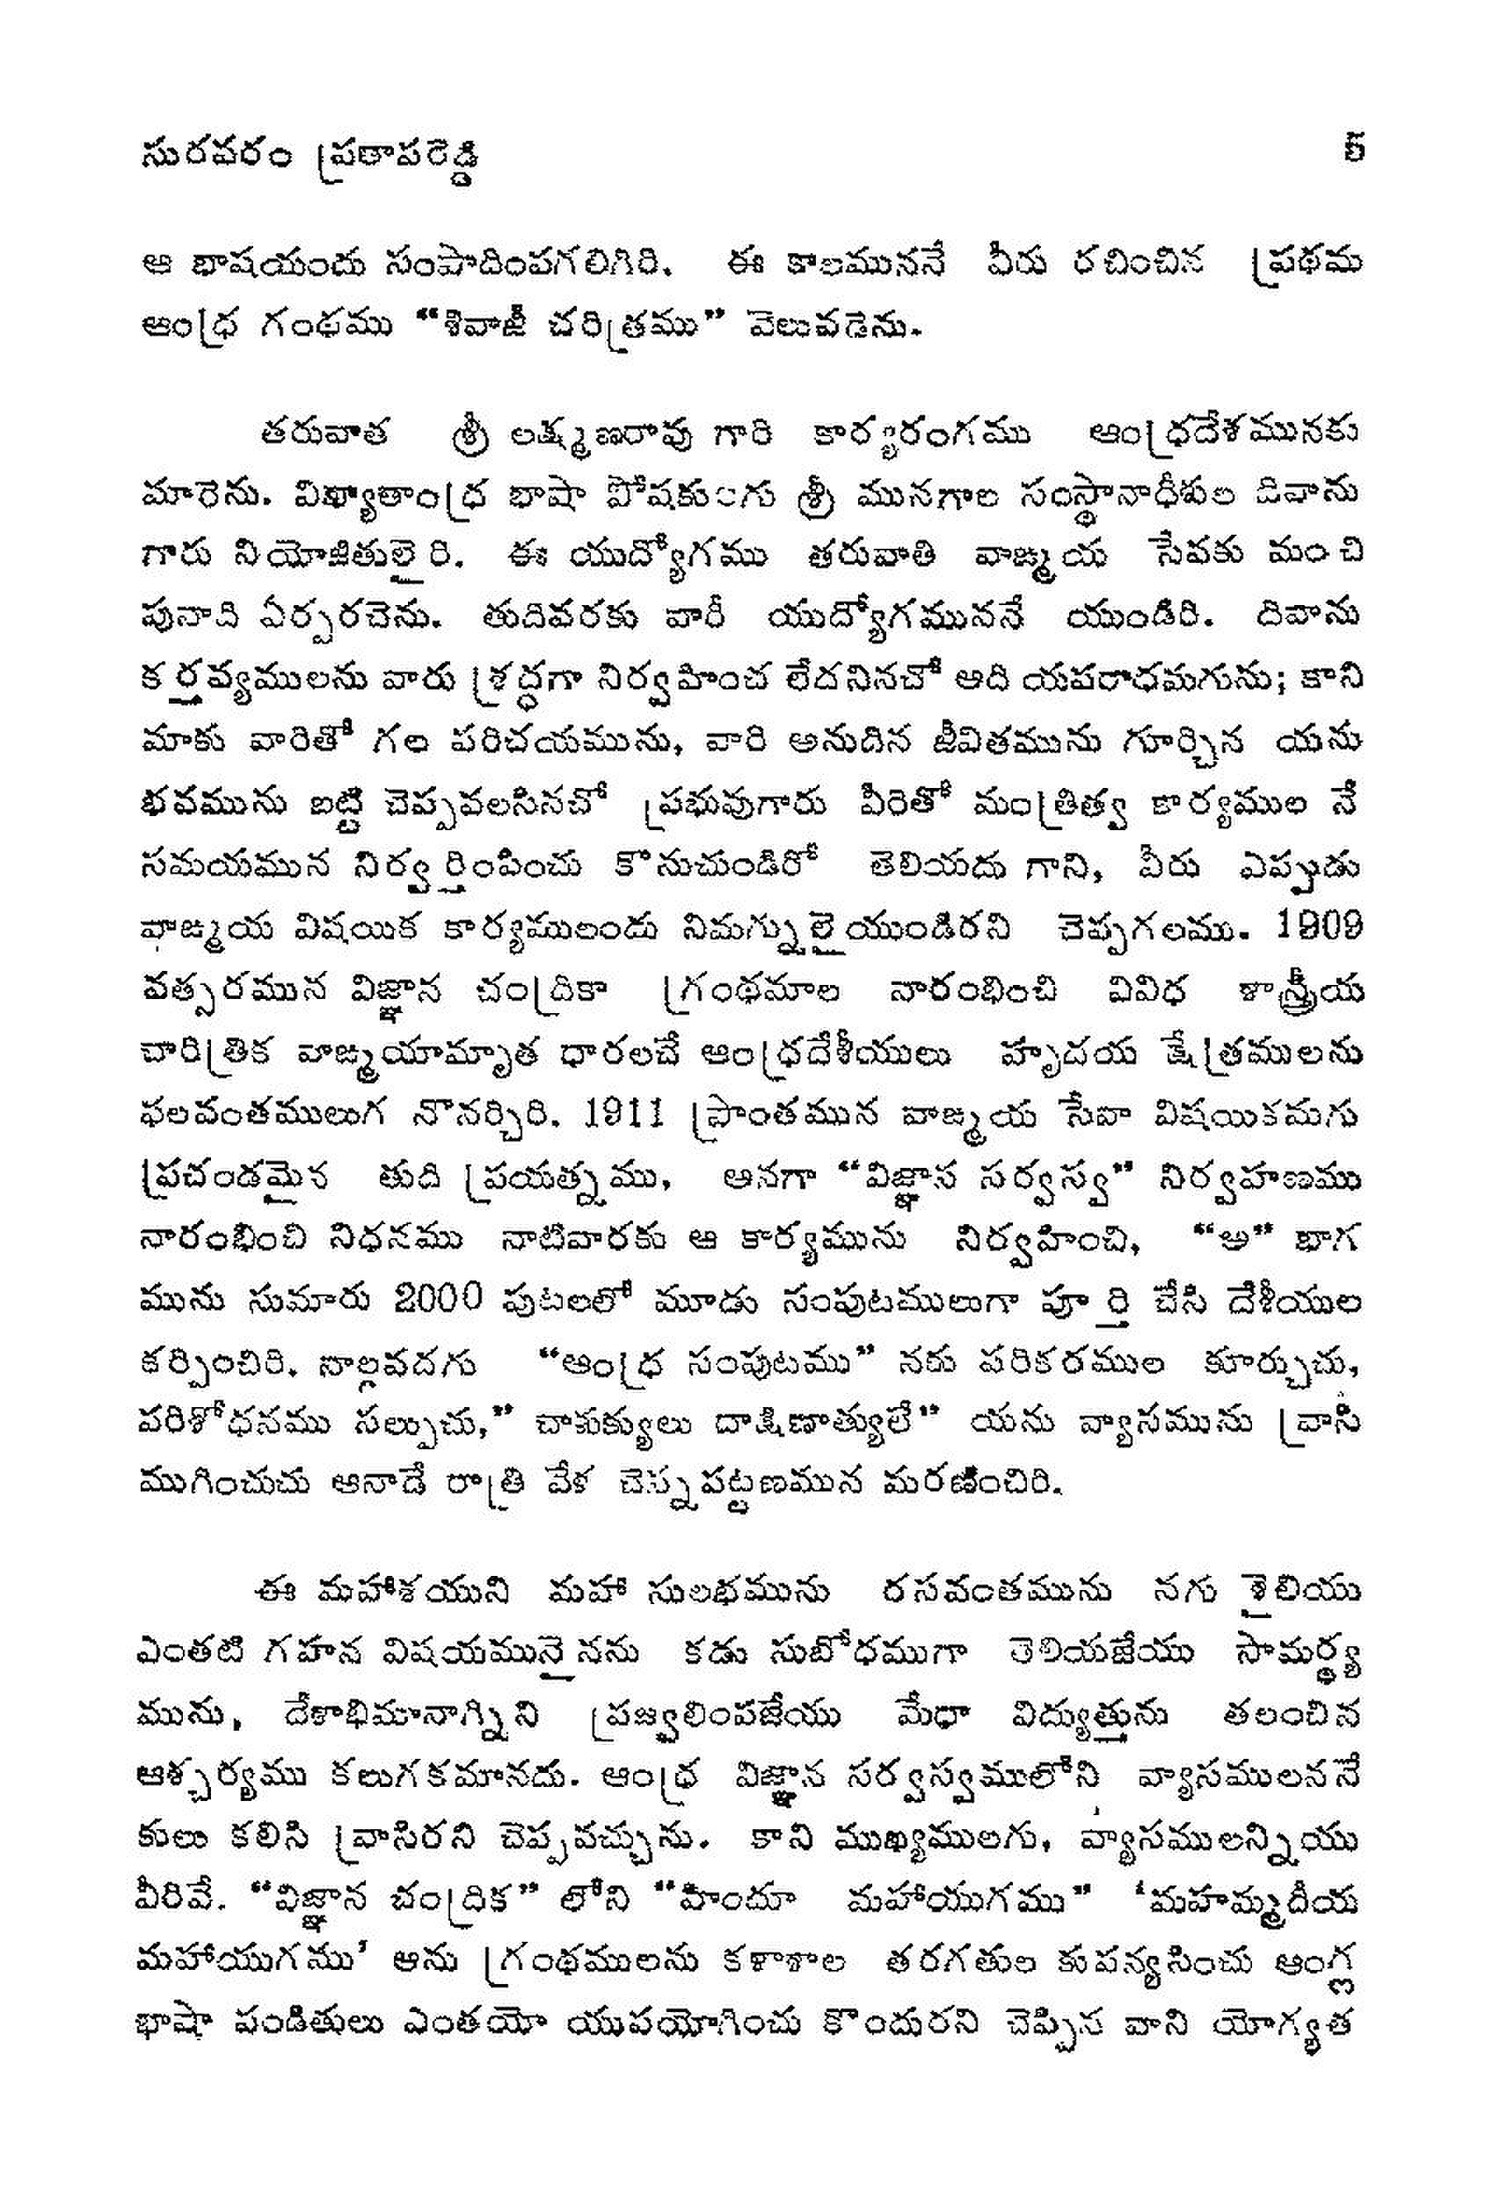ఆ భాషయందు సంపాదింపగలిగిరి. ఈ కాలముననే వీరు రచించిన ప్రథమ ఆంధ్ర గంథము “శివాజీ చరిత్రము" వెలువడెను.

తరువాత శ్రీ లక్ష్మణరావు గారి కార్యరంగము ఆంధ్రదేశమునకు మారెను. విఖ్యాతాంధ్ర భాషా పోషకులగు శ్రీ మునగాల సంస్థానాధీశుల దివానుగారు నియోజితులైరి. ఈ యుద్యోగము తరువాతి వాఙ్మయ సేవకు మంచి పునాది ఏర్పరచెను. తుదివరకు వారీ యుద్యోగముననే యుండిరి. దివాను కర్తవ్యములను వారు శ్రద్ధగా నిర్వహించ లేదనినచో అది యపరాధమగును; కాని మాకు వారితో గల పరిచయమును, వారి అనుదిన జీవితమును గూర్చిన యనుభవమును బట్టి చెప్పవలసినచో ప్రభువుగారు వీరితో మంత్రిత్వ కార్యముల నేసమయమున నిర్వర్తింపించు కొనుచుండిరో తెలియదు గాని, వీరు ఎప్పుడు వాఙ్మయ విషయక కార్యములందు నిమగ్నులైయుండిరని చెప్పగలము. 1909 వత్సరమున విజ్ఞాన చంద్రికా గ్రంథమాల నారంభించి వివిధ శాస్త్రీయ చారిత్రిక వాఙ్మయామాృత ధారలచే ఆంధ్రదేశీయులు హృదయ క్షేత్రములను ఫలవంతములుగ నొనర్చిరి. 1911 ప్రాంతమున వాఙ్మయ సేవా విషయికమగు
ప్రచండమైన తుది ప్రయత్నము, అనగా "విజ్ఞాన సర్వస్వ" నిర్వహణము నారంభించి నిధనము నాటివారకు ఆ కార్యమును నిర్వహించి, "ఆ" భాగమును సుమారు 2000 పుటలలో మూడు సంపుటములుగా పూర్తి చేసి దేశీయుల
కర్పించిరి. నాల్గవదగు “ఆంధ్ర సంపుటము" నకు పరికరముల కూర్చుచు, పరిశోధనము సల్పుచు," చాళుక్యులు దాక్షిణాత్యులే" యను వ్యాసమును వ్రాసి ముగించుచు ఆనాడే రాత్రి వేళ చెన్నపట్టణమున మరణించిరి.

ఈ మహాశయుని మహా సులభమును రసవంతమును నగు శైలియు ఎంతటి గహన విషయమునైనను కడు సుబోధముగా తెలియజేయు సామర్థ్యమును, దేశాభిమానాగ్నిని ప్రజ్వలింపజేయు మేధా విద్యుత్తును తలంచిన
ఆశ్చర్యము కలుగకమానదు. ఆంధ్ర విజ్ఞాన సర్వస్వములోని వ్యాసములననేకులు కలిసి వ్రాసిరని చెప్పవచ్చును. కాని ముఖ్యములగు, వ్యాసములన్నియు వీరివే. "విజ్ఞాన చంద్రిక" లోని "హిందూ మహాయుగము" 'మహమ్మదీయ
మహాయుగము' అను గ్రంథములను కళాశాల తరగతుల కుపన్యసించు ఆంగ్లభాషా పండితులు ఎంతయో యుపయోగించు కొందురని చెప్పిన వాని యోగ్యత